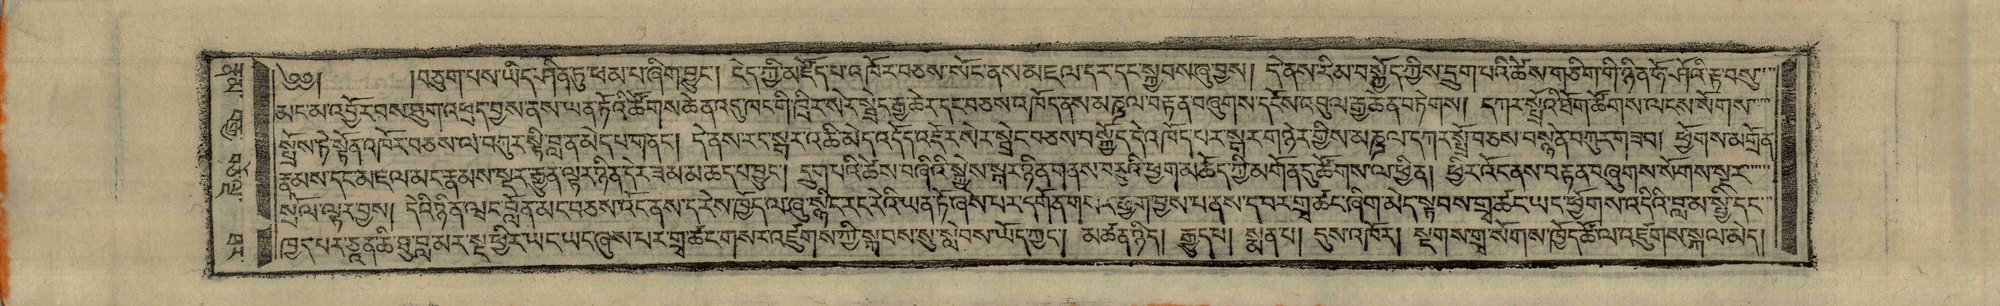༄༅། །བཅུག་པས་ཡིད་ཤིན་ཏུ་ཕམ་པ་ཞིག་བྱུང་། ངེད་ཀྱི་མཛོད་པ་འཁོར་བཅས་སོང་ནས་མཇལ་དར་དང་སྐྱབས་ཞུ་བྱས། དེ་ནས་རིམ་བསྐྱོད་ཀྱིས་དྲུག་པའི་ཚེས་གཅིག་གི་ཉིན་ཧོ་ཤོའི་རྟབས་སུ་
མང་མ་འབྱོར་བས་ཐུག་འཕྲད་བྱས་ནས་ཡན་ཏོའི་ཚོགས་ཆེན་འདུ་ཁང་གི་ཁྲིར་སེར་སྦྲེང་རྒྱ་ཆེར་དང་བཅས་འཁོད་ནས་མཎྜལ་བརྟན་བཞུགས་དངོས་འབུལ་རྒྱ་ཆེན་བཏེགས། དཀར་སྤྲོའི་ཐོག་ཚོགས་ལངས་སོགས་
སྤྲོས་ཏེ་སྟོན་འཁོར་བཅས་ལ་བཀུར་སྟི་བླ་ན་མེད་པ་གནང་། དེ་ནས་རང་སྒར་འཆི་མེད་འདོད་འཇོར་སེར་སྦྲེང་བཅས་བསྐྱོད་དེ་འཁོད་པར་སྒར་གཉེར་གྱིས་མཎྜལ་དཀར་སྤྲོ་བཅས་བསྙེན་བཀུར་གཟབ། ཕྱོགས་མགྲོན་
རྣམས་དང་མཇལ་མང་རྣམས་སྔར་རྒྱུན་ལྟར་ཉིན་དེར་ཟམ་མ་ཆད་པ་བྱུང་། དྲུག་པའི་ཚེས་བཞིའི་སྐྱེས་སྐར་ཉིན་གནས་བཅུའི་ཕྱག་མཆོད་ཀྱི་མགོན་དུ་ཚོགས་ལ་ཕྱིན། ཕྱིར་འོང་ནས་བརྟན་བཞུགས་སོགས་སྔར་
སྲོལ་ལྟར་བྱས། དེའི་ཉིན་ལྭང་བློན་མང་བཅས་འོང་ནས་ད་རེས་ཁྱོད་ལ་ཞུ་སྙིང་རང་རེའི་ཡན་ཏོ་ཞེས་པར་དགོན་གསར་རྒྱག་བྱས་པ་ནས་ད་བར་གྲྭ་ཚང་ཞིག་མེད་སྟབས་གྲྭ་ཚང་ཡང་ཕྱོགས་འདིའི་བླ་མ་སྤྱི་དང་
ཁྱད་པར་ཅཱན་ཆི་ཐུ་བླ་མར་སྔ་ཕྱིར་ཡང་ཡང་ཞུས་པར་གྲྭ་ཚང་གསར་འཛུགས་ཀྱི་སྐབས་སུ་སླེབས་ཡོད་ཀྱང་། མཚན་ཉིད། རྒྱུད་པ། སྨན་པ། དུས་འཁོར། སྔགས་གྲྭ་སོགས་ཁྱོད་ཚོལ་འཛུགས་སྐལ་མེད།